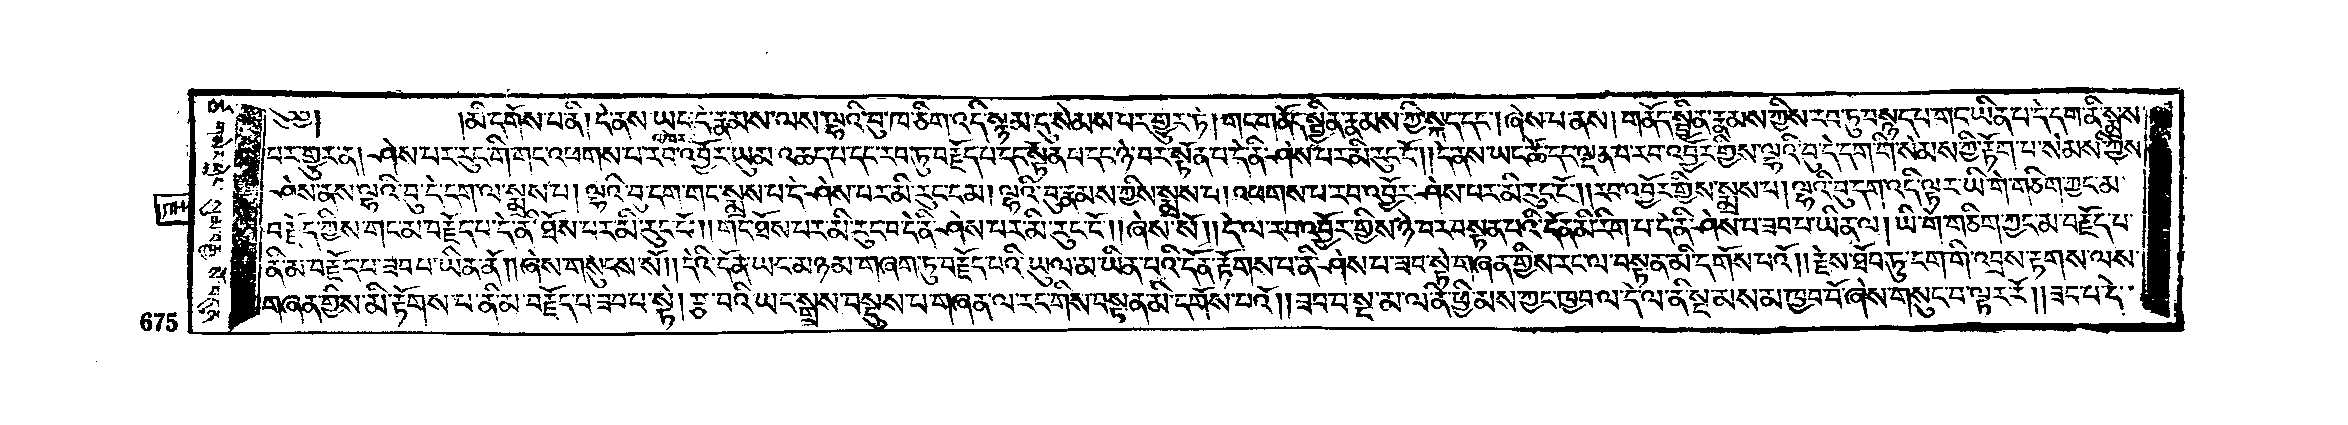༄༅། །མི་དགོས་པ་ནི། དེ་ནས་ཡང་འཁོར་དེ་རྣམས་ལས་ལྷའི་བུ་ཁ་ཅིག་འདི་སྙམ་དུ་སེམས་པར་གྱུར་ཏེ། གང་གནོད་སྦྱིན་རྣམས་ཀྱི་སྐད་དང་། ཞེས་པ་ནས། གནོད་སྦྱིན་རྣམས་ཀྱིས་རབ་ཏུ་བསྙད་པ་གང་ཡིན་པ་དེ་དག་ནི་སྨྲས་
པར་གྱུར་ན། ཤེས་པར་རུང་གི་གང་འཕགས་པ་རབ་འབྱོར་ཡུམ་འཆད་པ་དང་རབ་ཏུ་བརྗོད་པ་དང་སྟོན་པ་དང་ཉེ་བར་སྟོན་པ་དེ་ནི་ཤེས་པར་མི་རུང་ངོ། །དེ་ནས་ཡང་ཚེ་དང་ལྡན་པ་རབ་འབྱོར་གྱིས་ལྷའི་བུ་དེ་དག་གི་སེམས་ཀྱི་རྟོག་པ་སེམས་ཀྱིས་
ཤེས་ནས་ལྷའི་བུ་དེ་དག་ལ་སྨྲས་པ། ལྷའི་བུ་དག་གང་སྨྲས་པ་དེ་ཤེས་པར་མི་རུང་ངམ། ལྷའི་བུ་རྣམས་ཀྱིས་སྨྲས་པ། འཕགས་པ་རབ་འབྱོར་ཤེས་པར་མི་རུང་ངོ། །རབ་འབྱོར་གྱིས་སྨྲས་པ། ལྷའི་བུ་དག་འདི་ལྟར་ཡི་གེ་གཅིག་ཀྱང་མ་
བརྗོད་ཀྱིས་གང་མ་བརྗོད་པ་དེ་ནི་ཐོས་པར་མི་རུང་ངོ། །གང་ཐོས་པར་མི་རུང་བ་དེ་ནི་ཤེས་པར་མི་རུང་ངོ། །ཞེས་སོ། །དེ་ལ་རབ་འབྱོར་གྱིས་ཉེ་བར་བསྟན་པའི་དོན་མི་རིག་པ་དེ་ནི་ཤེས་པ་ཟབ་པ་ཡིན་ལ། ཡི་གེ་གཅིག་ཀྱང་མ་བརྗོད་པ་
ནི་མ་བརྗོད་པ་ཟབ་པ་ཡིན་ནོ། །ཞེས་གསུངས་སོ། །དེའི་དོན་ཡང་མཉམ་གཞག་ཏུ་བརྗོད་པའི་ཡུལ་མ་ཡིན་པའི་དོན་རྟོགས་པ་ནི་ཤེས་པ་ཟབ་སྟེ་གཞན་གྱིས་རང་ལ་བསྟན་མི་དགོས་པའོ། །རྗེས་ཐོབ་ཏུ་ངག་གི་འབྲས་རྟགས་ལས་
གཞན་གྱིས་མི་རྟོགས་པ་ནི་མ་བརྗོད་པ་ཟབ་པ་སྟེ། རྩ་བའི་ཡང་སྒྲས་བསྡུས་པ་གཞན་ལ་རང་གིས་བསྟན་མི་དགོས་པའོ། །ཟབ་པ་སྔ་མ་ལ་ནི་ཕྱི་མས་ཀྱང་ཁྱབ་ལ་དེ་ལ་ནི་སྔ་མས་མ་ཁྱབ་བོ་ཞེས་གསུང་བ་ལྟར་རོ། །ཟབ་པ་དེ་